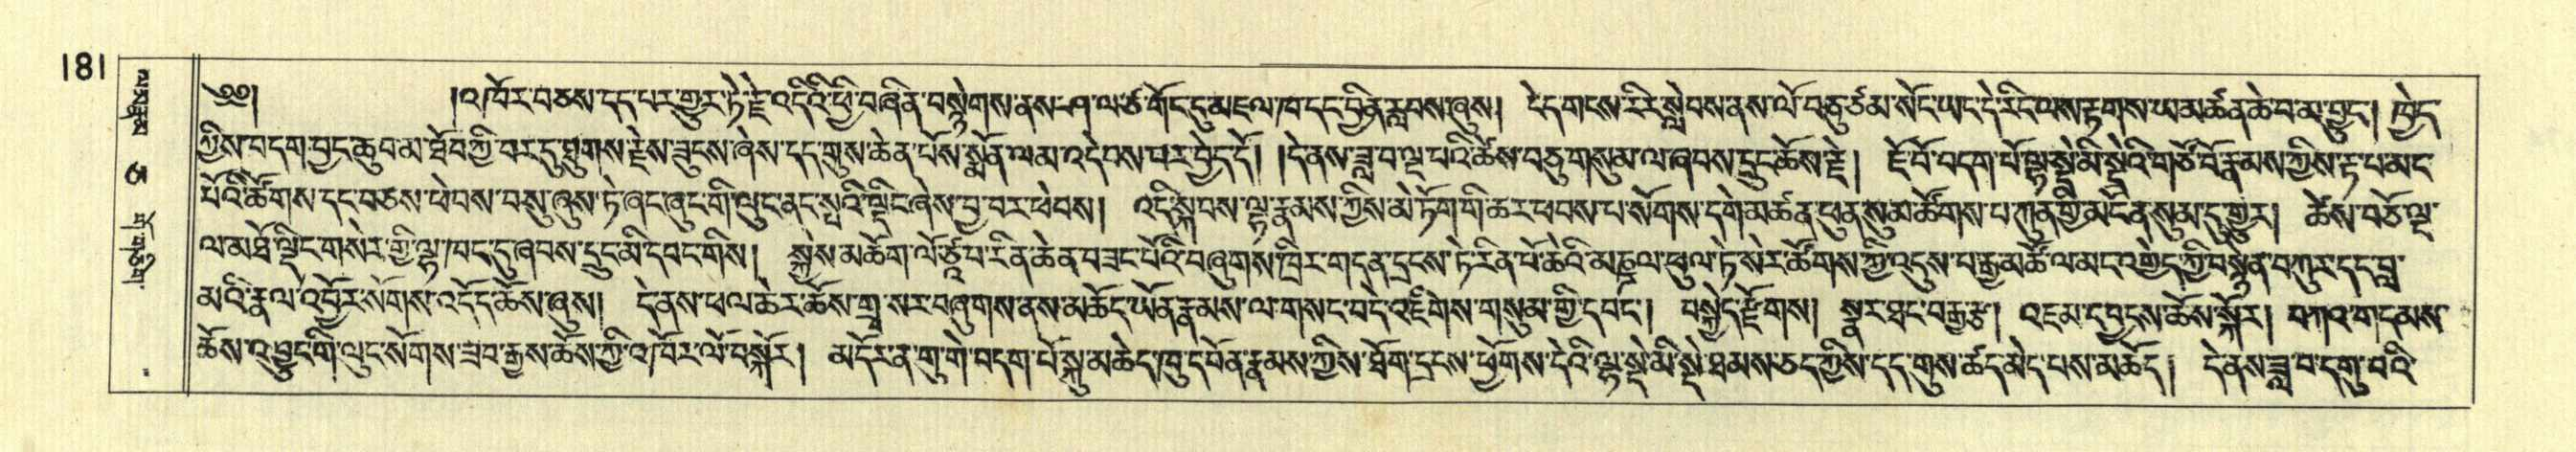༄༅། །འཁོར་བཅས་དད་པར་གྱུར་ཏེ་རྗེ་འདིའི་ཕྱི་བཞིན་བསྙེགས་ནས་ཤ་ལ་ཙ་གོང་དུ་མཇལ་ཁ་དང་བྱིན་རླབས་ཞུས། ངེད་གངས་རིར་སླེབས་ནས་ལོ་བཅུ་ཙམ་སོང་ཡང་དེ་རིང་ལས་རྟགས་ཡ་མཚན་ཆེ་བ་མ་བྱུང་། ཁྱེད་
ཀྱིས་བདག་བྱང་ཆུབ་མ་ཐོབ་ཀྱི་བར་དུ་ཐུགས་རྗེས་ཟུངས་ཞེས་དད་གུས་ཆེན་པོས་སྨོན་ལམ་འདེབས་པར་བྱེད་དོ། །དེ་ནས་ཟླ་བ་ལྔ་པའི་ཚེས་བཅུ་གསུམ་ལ་ཞབས་དྲུང་ཆོས་རྗེ། ཇོ་བོ་བདག་པོ་ལྷ་སྡེ་མི་སྡེའི་གཙོ་བོ་རྣམས་ཀྱིས་རྟ་པ་མང་
པོའི་ཚོགས་དང་བཅས་ཕེབས་བསུ་ཞུས་ཏེ་ཞང་ཞུང་གི་ལུང་ནང་སྤའི་ལྡིང་ཞེས་བྱ་བར་ཕེབས། འདི་སྐབས་ལྷ་རྣམས་ཀྱིས་མེ་ཏོག་གི་ཆར་ཕབས་པ་སོགས་དགེ་མཚན་ཕུན་སུམ་ཚོགས་པ་ཀུན་གྱི་མངོན་སུམ་དུ་གྱུར། ཚེས་བཅོ་ལྔ་
ལ་མཐོ་ལྡིང་གསེར་གྱི་ལྷ་ཁང་དུ་ཞབས་དྲུང་མི་དབང་གིས། སྐྱེས་མཆོག་ལོ་ཙཱ་བ་རིན་ཆེན་བཟང་པོའི་བཞུགས་ཁྲིར་གདན་དྲངས་ཏེ་རིན་པོ་ཆེའི་མཎྜལ་ཕུལ་ཏེ་སེར་ཚོགས་ཀྱི་འདུས་པ་རྒྱ་མཚོ་ལ་མང་འགྱེད་ཀྱི་བསྙེན་བཀུར་དང་བླ་
མའི་རྣལ་འབྱོར་སོགས་འདོད་ཆོས་ཞུས། །དེ་ནས་ཕལ་ཆེར་ཆོས་གྲྭ་སར་བཞུགས་ནས་མཆོད་ཡོན་རྣམས་ལ་གསང་བདེ་འཇིགས་གསུམ་གྱི་དབང་། བསྐྱེད་རྫོགས། སྣར་ཐང་བརྒྱ་རྩ། འཇམ་དབྱངས་ཆོས་སྐོར། བཀའ་གདམས་
ཆོས་འབྱུང་གི་ལུང་སོགས་ཟབ་རྒྱས་ཆོས་ཀྱི་འཁོར་ལོ་བསྐོར། མདོར་ན་གུ་གེ་བདག་པོ་སྐུ་མཆེད་ཁུ་དབོན་རྣམས་ཀྱིས་ཐོག་དྲངས་ཕྱོགས་དེའི་ལྷ་སྡེ་མི་སྡེ་ཐམས་ཅད་ཀྱིས་དད་གུས་ཚད་མེད་པས་མཆོད། དེ་ནས་ཟླ་བ་དགུ་པའི་